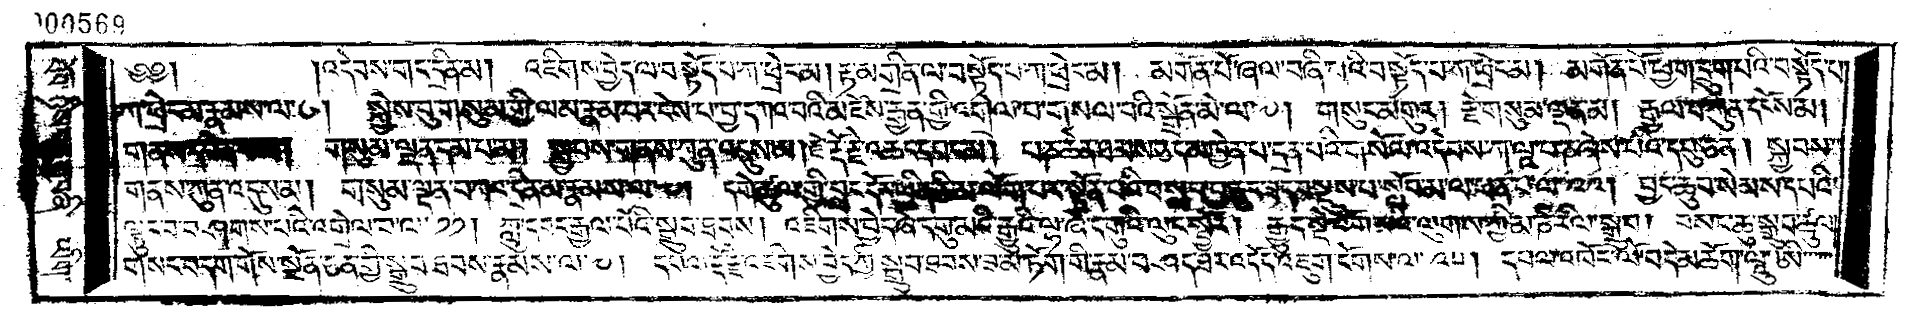༄༅། །འདེབས་གང་དྲིན་མ། འཇིགས་བྱེད་ལ་བསྟོད་པ་ཀ་ཕྲེང་མ། རྟ་མགྲིན་ལ་བསྟོད་པ་ཀ་ཕྲེང་མ། མགོན་པོ་ཞལ་བཞི་པའི་བསྟོད་པ་ཀ་ཕྲེང་མ། མགོན་པོ་ཕྱག་དྲུག་པའི་བསྟོད་པ་
ཀ་ཕྲེང་མ་རྣམས་ལ ༦། སྐྱེས་བུ་གསུམ་གྱི་ལམ་རྣམ་པར་ངེས་པ་བྱ་དཀའ་བའི་མཛེས་རྒྱན་གྱི་འགྲེལ་བ་གསལ་བའི་སྒྲོན་མེ་ལ ༧། གསུང་མགུར། རྗེ་གསུམ་ལྡན་མ། རྒྱལ་བ་ཀུན་དངོས་མ།
གནས་དབེན་པ་མ། གསུམ་ལྡན་དམ་པ་མ། སྐྱབས་གནས་ཀུན་འདུས་མ་།རྗེ་རྡོ་རྗེ་འཆང་དབང་མ། པཎ་ཆེན་ཐམས་ཅད་མཁྱེན་པ་དྲན་པའི་གསོལ་འདེབས་ཀ་ལཱ་པ་ཎ་ཞེས་པའི་དབུ་ཅན། སྐྱབས་
གནས་ཀུན་འདུས་མ། གསུམ་ལྡན་བཀའ་དྲིན་མ་རྣམས་ལ ༧། དགེ་ཚུལ་གྱི་བླང་དོར་ཕྱིན་ཅི་མ་ལོག་པར་སྟོན་པའི་བསླབ་བྱ་ཅུང་ཟད་བསྡུས་པ་སློབ་མ་ལ་ཕན་པ་ལ ༢༢། བྱང་ཆུབ་སེམས་དཔའི་
ལྟུང་བ་བཤགས་པའི་འགྲེལ་བ་ལ ༡༡། ཀླུ་དབང་རྒྱལ་པོའི་སྒྲུབ་ཐབས། འཇིགས་བྱེད་ཞེ་དགུ་མའི་རྒྱུའི་ལྷ་ཞེ་དགུའི་ལུང་སྦྱོར། རྒྱུད་སྡེ་འོག་མའི་ལུགས་ཀྱི་མ་ཎི་རིལ་སྒྲུབ། བསང་ཆུ་སྒྲུབ་ཚུལ།
གསང་བདག་གོས་སྔོན་ཅན་གྱི་སྒྲུབ་ཐབས་རྣམས་ལ ༧། དཔལ་རྡོ་རྗེ་འཇིགས་བྱེད་ཀྱི་སྒྲུབ་ཐབས་ཟ་མ་ཏོག་གི་རྣམ་བཤད་ཐར་འདོད་འཇུག་དོགས་ལ ༢༥། དཔལ་འཁོར་ལོ་བདེ་མཆོག་ལཱུ་ཨི་